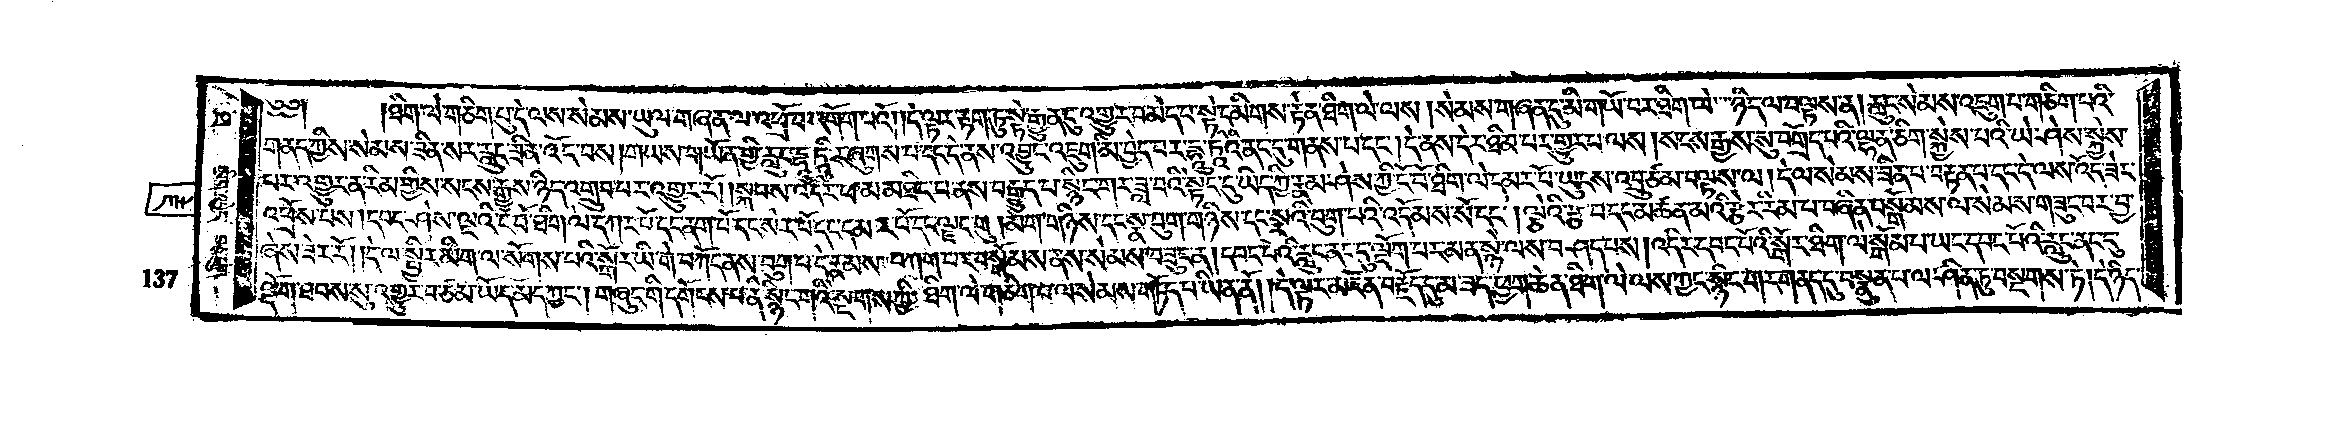༄༅། །ཐིག་ལེ་གཅིག་པུ་དེ་ལས་སེམས་ཡུལ་གཞན་ལ་འཕྲོ་བ་འགོག་པའོ། །དེ་ལྟར་རྟག་ཏུ་སྟེ་རྒྱུན་དུ་འགྱུར་བ་མེད་པ་སྟེ་དམིགས་རྟེན་ཐིག་ལེ་ལས། སེམས་གཞན་དུ་མི་གཡོ་བར་ཐིག་ལེ་ཉིད་ལ་བལྟས་ན། རླུང་སེམས་འཇུག་པ་གཅིག་པའི་
གནད་ཀྱིས་སེམས་ཟིན་སར་རླུང་ཟིན་འོང་བས། གཡས་གཡོན་གྱི་རླུང་དྷཱུ་ཏཱིར་ཞུགས་པ་དང་དེ་ནས་འབྱུང་འཇུག་མི་བྱེད་པར་དྷཱུ་ཏཱིའི་ནང་དུ་གནས་པ་དང་། དེ་ནས་དེར་ཐིམ་པར་གྱུར་པ་ལས། སངས་རྒྱས་སུ་བགྲོད་པའི་ལྷན་ཅིག་སྐྱེས་པའི་ཡེ་ཤེས་སྐྱེས་
པར་འགྱུར་ན་རིམ་གྱིས་སངས་རྒྱས་ཉིད་འགྲུབ་པར་འགྱུར་རོ། །སྐབས་འདིར་ཕམ་མཐིང་པ་ནས་བརྒྱུད་པ་སྙིང་གར་ཟླ་བའི་སྟེང་དུ་ཡིད་ཀྱི་རྣམ་ཤེས་ཀྱི་ངོ་བོ་ཐིག་ལེ་དམར་པོ་ཡུངས་འབྲུ་ཙམ་བལྟས་ལ། དེ་ལ་སེམས་ཟིན་པ་བརྟན་པ་དང་དེ་ལས་འོད་ཟེར་
འཕྲོས་པས། དབང་ཤེས་ལྔའི་ངོ་བོ་ཐིག་ལེ་དཀར་པོ་དང་ནག་པོ་དང་སེར་པོ་དང་དམར་པོ་དང་ལྗང་གུ། མིག་གཉིས་དང་སྣ་བུག་གཉིས་དང་སྣའི་བུག་པའི་འདོམས་སོ་དང་། ལྕེའི་རྩ་བ་དང་མཚན་མའི་རྩེར་རིམ་པ་བཞིན་བསྒོམས་ལ་སེམས་གཟུང་བར་བྱ་
ཞེས་ཟེར་རོ། །དེ་ལ་སྤྱིར་མིག་ལ་སོགས་པའི་སྒོར་ཡི་གེ་བཀོད་ནས་བུག་པ་དེ་རྣམས་བཀག་པར་བསྒོམས་ནས་སེམས་བཟུང་ན། དབང་པོའི་རླུང་ནང་དུ་ལྡོག་པར་མན་སྙེ་ལས་བཤད་པས། འདིར་དབང་པོའི་སྒོར་ཐིག་ལེ་སྒོམ་པ་ཡང་དབང་པོའི་རླུང་ནང་དུ་
ལྡོག་ཐབས་སུ་འགྱུར་བ་ཙམ་ཡོད་མོད་ཀྱང་། གཞུང་གི་དགོངས་པ་ནི་སྙིང་གའི་སྔགས་ཀྱི་ཐིག་ལེ་གཅིག་བུ་ལ་སེམས་གཏོད་པ་ཡིན་ནོ། །དེ་ལྟར་མངོན་བརྗོད་དུ་མ་ཟད་ཕྱག་ཆེན་ཐིག་ལེ་ལས་ཀྱང་སྙིང་གར་གནད་དུ་བསྣུན་པ་ལ་ཤིན་ཏུ་བསྔགས་ཏེ། དེ་ཉིད་